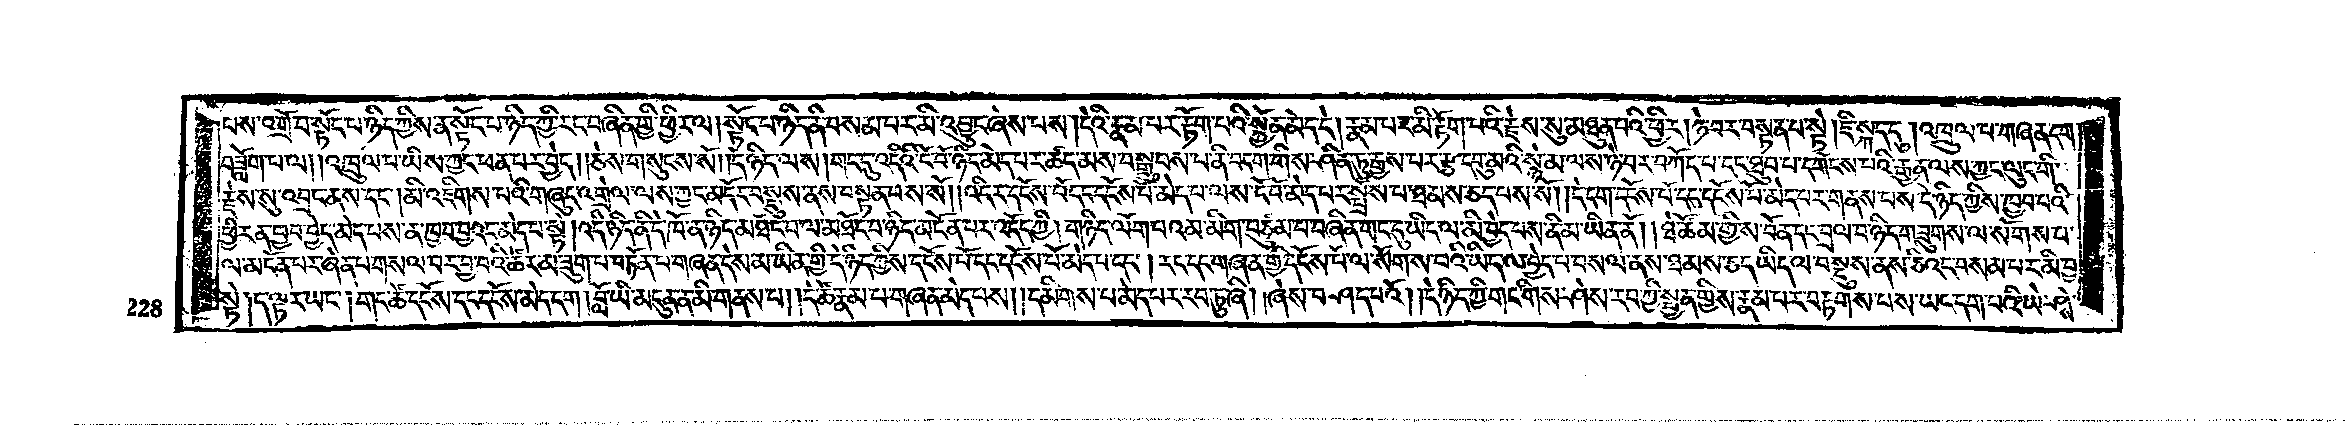པས་འགྲོ་བ་སྟོང་པ་ཉིད་ཀྱིས་ན་སྟོང་པ་ཉིད་ཀྱི་རང་བཞིན་གྱི་ཕྱིར་ལ། སྟོང་པ་ཉིད་ནི་བསམ་པར་མི་འབྱུང་ཞེས་པས། དེའི་རྣམ་པར་རྟོག་པའི་སྐྱོན་མེད་དེ། རྣམ་པར་མི་རྟོག་པའི་རྗེས་སུ་མཐུན་པའི་ཕྱིར། ཉེ་བར་བསྟན་པ་སྟེ། ཇི་སྐད་དུ། འཁྲུལ་པ་གཞན་དག་
བཟློག་པ་ལ། །འཁྲུལ་པ་ཡིས་ཀྱང་ཕན་པར་བྱེད། །ཅེས་གསུངས་སོ། །དེ་ཉིད་ལས། གང་དུ་འདིའི་ངོ་བོ་ཉིད་མེད་པར་ཚད་མས་བསྒྲུབས་པ་ནི་བདག་གིས་ཤིན་ཏུ་རྒྱས་པར་རྩ་དབུ་མའི་སྙེ་མ་ལས་ཉེ་བར་བཀོད་པ་དང་ཐུབ་པ་དགོངས་པའི་རྒྱན་ལས་ཀྱང་ལུང་གི་
རྗེས་སུ་འབྲང་ནས་དང་། མི་འཇིགས་པའི་གཞུང་འགྲེལ་ལས་ཀྱང་མདོར་བསྡུས་ནས་བསྟན་པས་སོ། །འདིར་དངོས་པོ་དང་དངོས་པོ་མེད་པ་ལས་ངོ་བོ་མེད་པར་སྤྲོས་པ་ཐམས་ཅད་པས་སོ། །དེ་དག་དངོས་པོ་དང་དངོས་པོ་མེད་པར་གནས་པས་དེ་ཉིད་ཀྱིས་ཁྱབ་པའི་
ཕྱིར་ན་ཁྱབ་བྱེད་མེད་པས་ན་ཁྱབ་བྱའང་མེད་པ་སྟེ། འདི་ཉིད་ནི་དེ་ཁོ་ན་ཉིད་མཐོང་བ་ལ་མཐོང་བ་ཉིད་མངོན་པར་འདོད་ཀྱི། གཉིད་ལོག་པའམ་མིག་བཙུམ་པ་བཞིན་གང་དུ་ཡིད་ལ་མི་བྱེད་པས་ནི་མ་ཡིན་ནོ། །ཐེ་ཚོམ་གྱི་ས་བོན་དང་བྲལ་བ་ཉིད་གཟུགས་ལ་སོགས་པ་
ལ་མངོན་པར་ཞེན་པ་གསལ་བར་བྱ་བའི་ཚེར་མ་ཟུག་པ་བཏོན་པ་གཞན་དེས་མ་ཡིན་གྱི་དེ་ཉིད་ཀྱིས་དངོས་པོ་དང་དངོས་པོ་མེད་པ་དང་། རང་དང་གཞན་གྱི་དངོས་པོ་ལ་སོགས་པའི་ཡིད་ལ་བྱེད་པ་བསལ་ནས་ཐམས་ཅད་ཡིད་ལ་བསྡུས་ནས་ཅིའང་བསམ་པར་མི་བྱ་
སྟེ། དེ་ལྟར་ཡང་། གང་ཚེ་དངོས་དང་དངོས་མེད་དག །བློ་ཡི་མདུན་ན་མི་གནས་པ། །དེ་ཚེ་རྣམ་པ་གཞན་མེད་པས། །དམིགས་པ་མེད་པར་རབ་ཏུ་ཞི། །ཞེས་བཤད་པའོ། །དེ་ཉིད་ཀྱི་གང་གིས་ཤེས་རབ་ཀྱི་སྤྱན་གྱིས་རྣམ་པར་བརྟགས་པས་ཡང་དག་པའི་ཡེ་ཤེས་